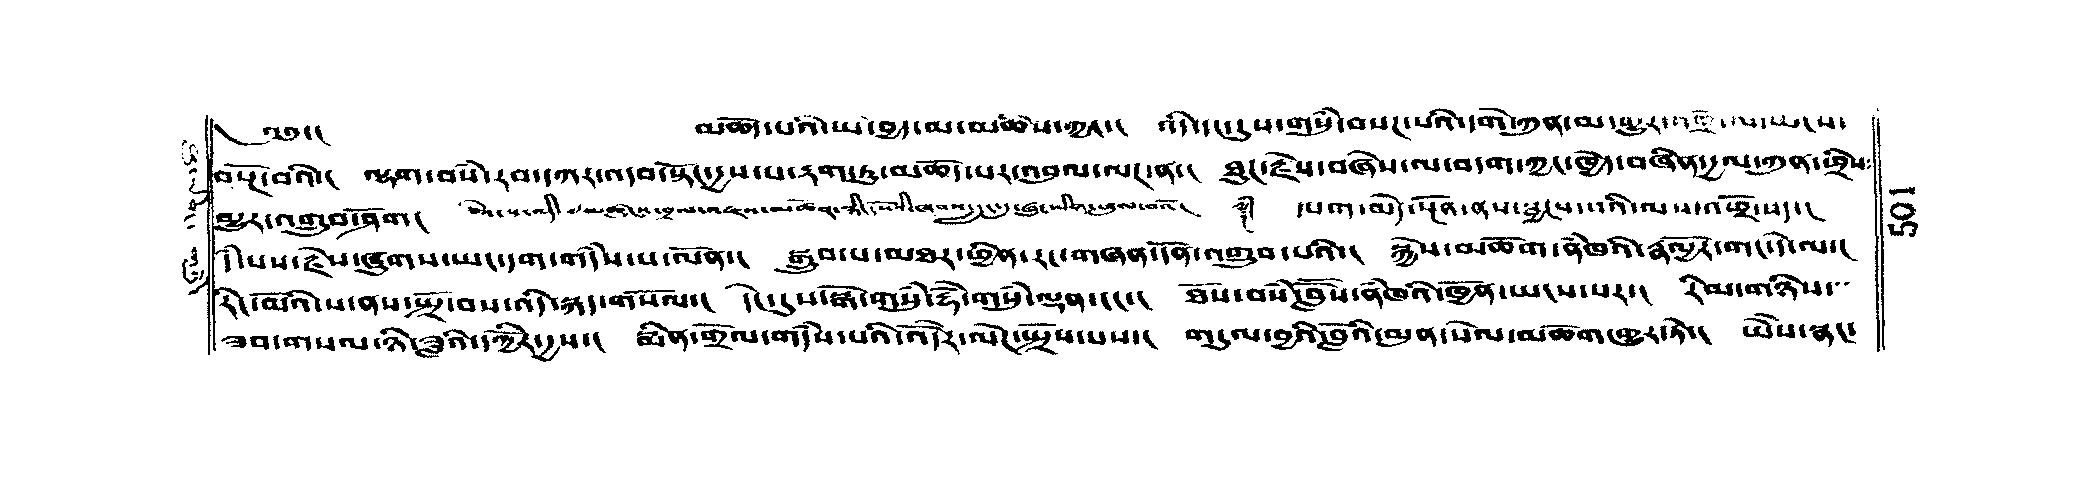མཆོད་པའི་ཡོ་བྱད་མ་མཆིས་ཀྱང་། །འདི་དང་དུས་གསུམ་བསགས་པའི་དགེ་ཀུན་མ་གྱུར་འགྲོ་ལ་ཡོངས་
བསྔོ་བའི། །ལྷག་བསམ་རབ་དཀར་འདབ་སྟོང་རྒྱས་པ་རྟག་ཏུ་མཆོད་པར་འབུལ་ལགས་ན། །ཐུགས་རྗེས་བཞེས་ལ་བདག་ཀྱང་ཁྱེད་བཞིན་རྒྱལ་ཀུན་ཕྲིན་ལས་
མྱུར་གྲུབ་ཤོག། ཅེས་པ་འདི་མཚུངས་བྲལ་འཇའ་མཚོན་སྙིང་པོའི་ཞབས་དྲུང་དུ་ཞུ་ཡིག་ཕུལ་བའོ།། ༈ དཔག་མེད་སྔོན་ནས་སྦྱངས་བའི་ལས་འཕྲོ་སད། །
དམ་པའི་རྗེས་ཞུགས་ཡང་དག་གདམས་པ་ལོན། །སྒྲུབ་པ་མཐར་ཕྱིན་རང་གཞན་དོན་འགྲུབ་པའི། །སྐྱེས་མཆོག་ནམ་མཁའི་རྣལ་འབྱོར་གང་དེ་ལ། །
རིང་མོའི་ས་ནས་སྤྲོ་བས་འདི་སྐད་གསོལ། །དེང་དུས་སྒོ་གསུམ་རྡོ་རྗེ་གསུམ་ལྡན་ངང་། །ཐོས་བསམ་བློ་གྲོས་ནམ་མཁའི་ཁྱོན་ཡངས་པར། །རིམ་གཉིས་
ཟབ་གསལ་ཉི་ཟླའི་དཀྱིལ་འཁོར་རྒྱས། །སྨིན་གྲོལ་གདམས་པའི་འོད་ཟེར་ལེགས་སྤྲོས་པས། །གདུལ་བྱའི་བློ་ཡི་མུན་སེལ་མཆོག་གྱུར་ཏེ། །ཡེ་ཤེས་སྣང་